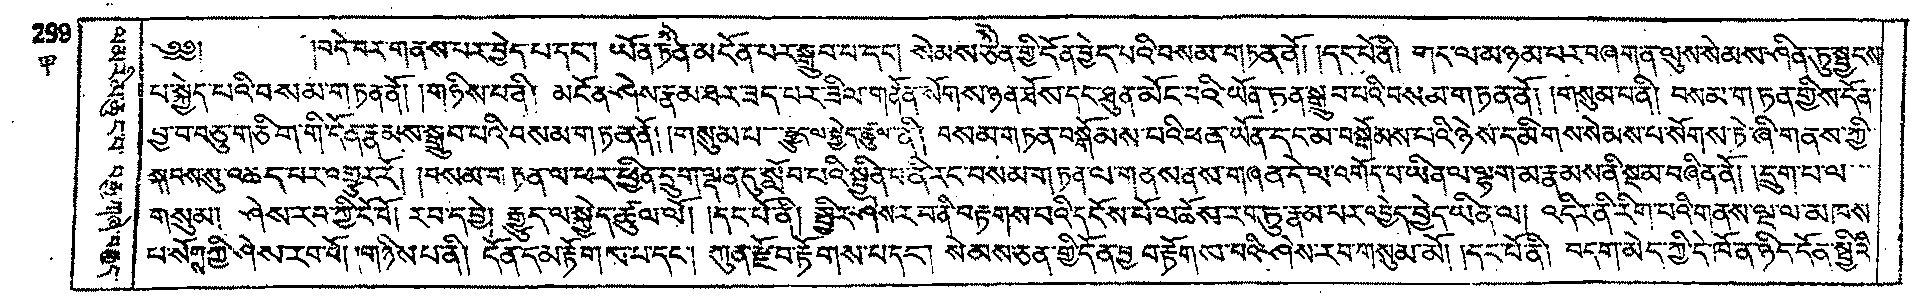༄༅། །བདེ་བར་གནས་པར་བྱེད་པ་དང་། ཡོན་ཏན་མངོན་པར་སྒྲུབ་པ་དང་། སེམས་ཅན་གྱི་དོན་བྱེད་པའི་བསམ་གཏན་ནོ། །དང་པོ་ནི། གང་ལ་མཉམ་པར་བཞག་ན་ལུས་སེམས་ཤིན་ཏུ་སྦྱངས་
པ་སྐྱེད་པའི་བསམ་གཏན་ནོ། །གཉིས་པ་ནི། མངོན་ཤེས་རྣམ་ཐར་ཟད་པར་ཟིལ་གནོན་སོགས་ཉན་ཐོས་དང་ཐུན་མོང་བའི་ཡོན་ཏན་སྒྲུབ་པའི་བསམ་གཏན་ནོ། །གསུམ་པ་ནི། བསམ་གཏན་གྱིས་དོན་
བྱ་བ་བཅུ་གཅིག་གི་དོན་རྣམས་སྒྲུབ་པའི་བསམ་གཏན་ནོ། །གསུམ་པ་རྒྱུད་ལ་སྐྱེད་ཚུལ་ནི། བསམ་གཏན་བསྒོམས་པའི་ཕན་ཡོན་དང་མ་བསྒོམས་པའི་ཉེས་དམིགས་སེམས་པ་སོགས་ཏེ་ཞི་གནས་ཀྱི་
སྐབས་སུ་འཆད་པར་འགྱུར་རོ། །བསམ་གཏན་ལ་ཕར་ཕྱིན་དྲུག་ལྡན་དུ་སློབ་པའི་སྦྱིན་པ་ནི་རང་བསམ་གཏན་ལ་གནས་ནས་གཞན་དེ་ལ་འགོད་པ་ཡིན་ལ་ལྷག་མ་རྣམས་ནི་སྔ་མ་བཞིན་ནོ། །དྲུག་པ་ལ་
གསུམ། ཤེས་རབ་ཀྱི་ངོ་བོ། རབ་དབྱེ། རྒྱུད་ལ་སྐྱེད་ཚུལ་ལོ། །དང་པོ་ནི། སྤྱིར་ཤེས་རབ་ནི་བརྟགས་པའི་དངོས་པོ་ལ་ཆོས་རབ་ཏུ་རྣམ་པར་འབྱེད་བྱེད་ཡིན་ལ། འདིར་ནི་རིག་པའི་གནས་ལྔ་ལ་མཁས་
པ་སོགས་ཀྱི་ཤེས་རབ་བོ། །གཉིས་པ་ནི། དོན་དམ་རྟོགས་པ་དང་། ཀུན་རྫོབ་རྟོགས་པ་དང་། སེམས་ཅན་གྱི་དོན་བྱ་བ་རྟོགས་པའི་ཤེས་རབ་གསུམ་མོ། །དང་པོ་ནི། བདག་མེད་ཀྱི་དེ་ཁོ་ན་ཉིད་དོན་སྤྱིའི་